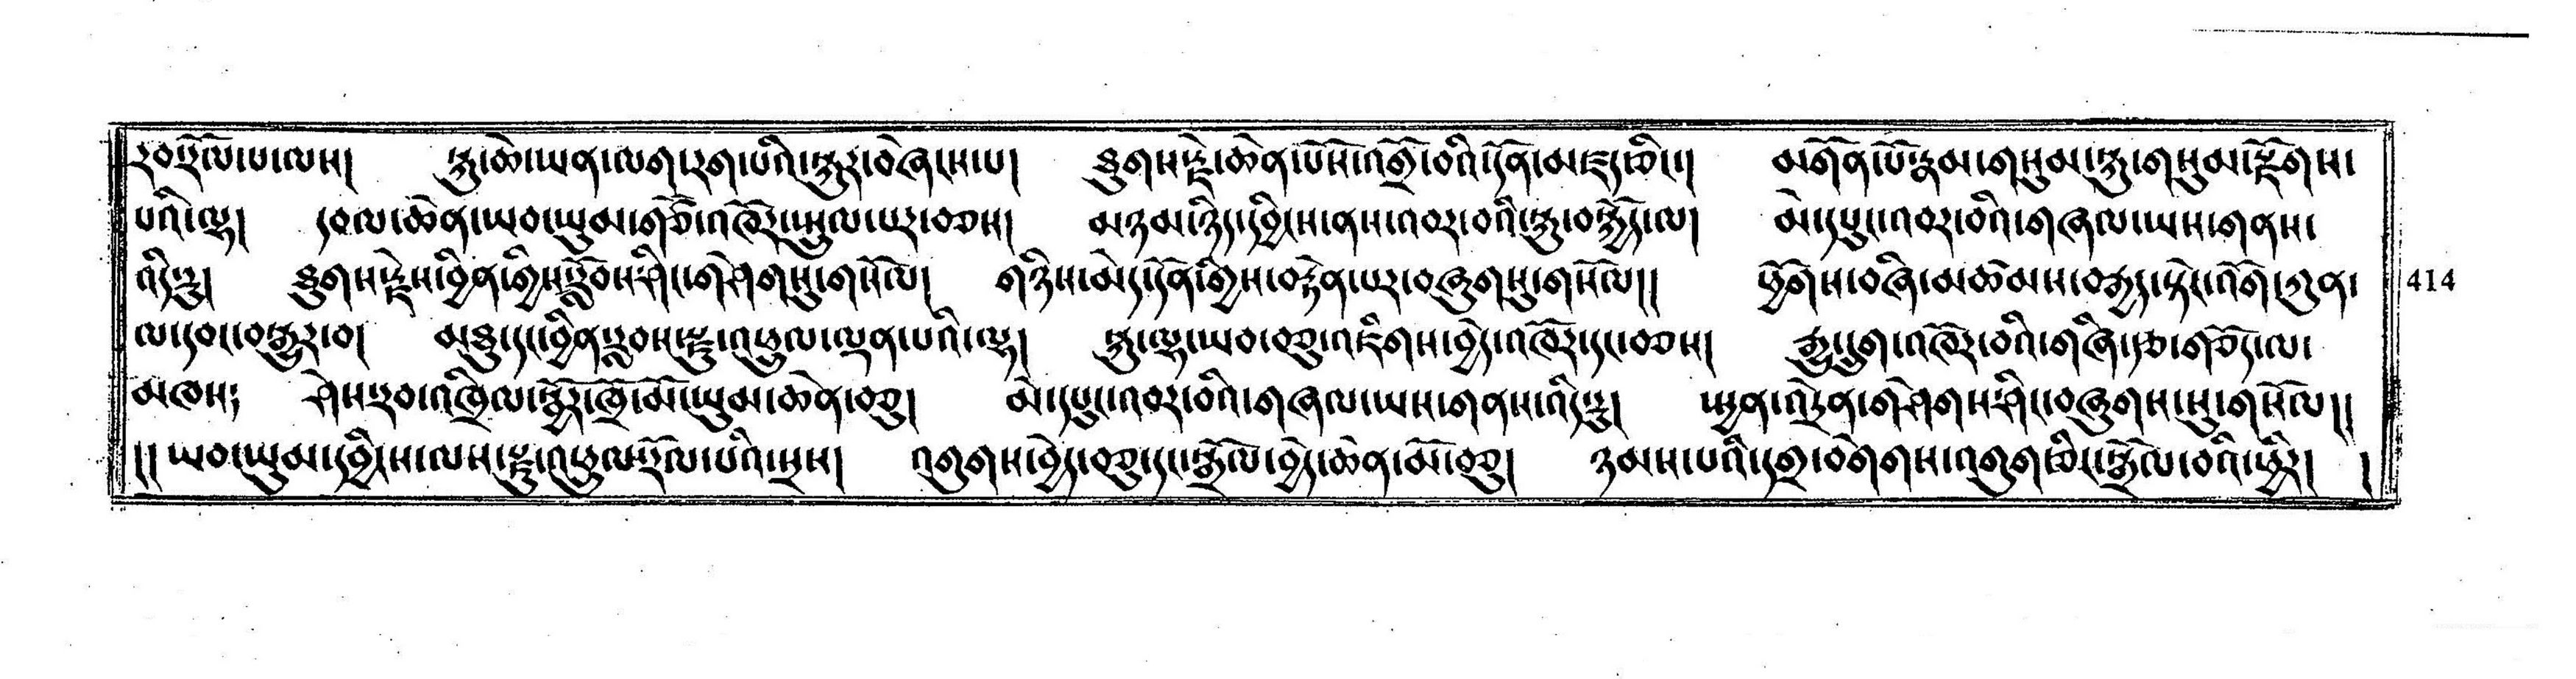རབ་རོལ་པ་ལས། སྐུ་ཆེ་ཡན་ལག་རག་པའི་སྐུར་བཞེངས་པ། ཐུགས་རྗེ་ཆེན་པོས་འགྲོ་{424}བའི་དོན་མཛད་ཅིང་། མགོན་པོ་རྣམ་གསུམ་སྐུ་གསུམ་རྫོགས་
པའི་ལྷ། དབལ་ཆེན་ཡབ་ཡུམ་གཙོ་འཁོར་སྤྲུལ་པར་བཅས། མཉམ་ཉིད་དབྱིངས་ནས་འབར་བའི་སྐུ་བསྐྱོད་ལ། མེ་དཔུང་འབར་བའི་གཞལ་ཡས་གནས་
འདི་རུ། ཐུགས་རྗེས་བྱིན་གྱིས་རློབས་ཤིང་གཤེགས་སུ་གསོལ། གཉིས་མེད་དོན་གྱིས་བརྟན་པར་བཞུགས་སུ་གསོལ།། ཕྱོགས་བཞི་མཚམས་བརྒྱད་སྟེང་འོག་ཀུན་
ལ་དབང་བསྒྱུར་བ། མཐུ་དང་བྱིན་རླབས་རྫུ་འཕྲུལ་ལྡན་པའི་ལྷ། སྐུ་ལྷ་ཡབ་བཅུ་འཇིགས་བྱེད་འཁོར་དང་བཅས། རྒྱུ་དྲུག་འཁོར་བའི་གཞི་རྩ་གཅོད་ལ་
མཁས། ཤེས་རབ་འཁྲིལ་སྦྱོར་ཁྲོ་མོ་ཡུམ་ཆེན་བཅུ། མེ་དཔུང་འབར་བའི་གཞལ་ཡས་གནས་འདི་རུ། སྤྱན་འདྲེན་གཤེགས་ཤིང་བཞུགས་སུ་གསོལ།། 
ཡབ་ཡུམ་དབྱིངས་ལས་རྫུ་འཕྲུལ་རོལ་པའི་སྲས། འགུགས་བྱེད་བཅུ་དང་སྒྲོལ་བྱེད་ཆེན་མོ་བཅུ། ཉམས་པའི་དགྲ་བགེགས་འགུག་ཅིང་སྒྲོལ་བའི་ཕྱིར།